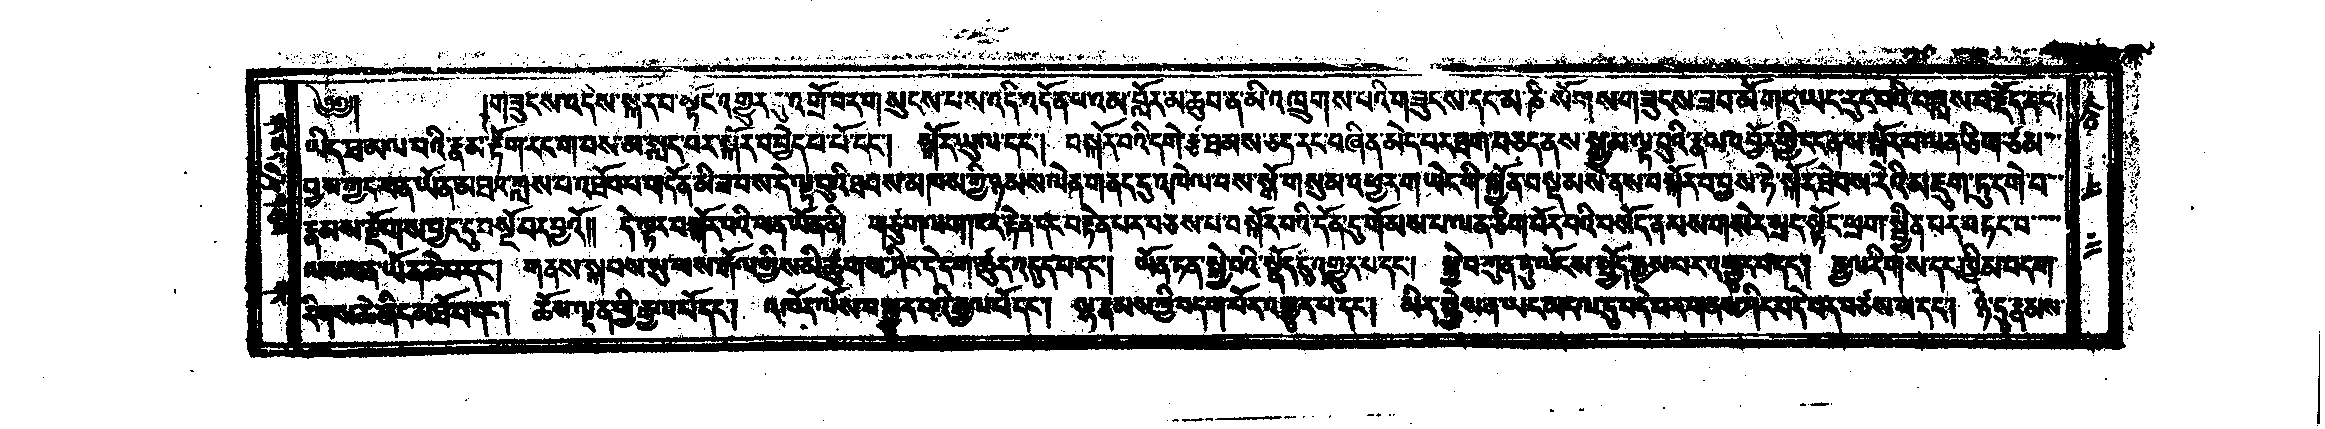༄༅། །གཟུངས་འདིས་སྐོར་བ་སྟོང་འགྱུར་དུ་འགྲོ་བར་གསུངས་པས་འདི་འདོན་པ་འམ་བློར་མ་ཆུབ་ན་མི་འཁྲུགས་པའི་གཟུངས་དང་མ་ཎི་སོགས་གཟུངས་ཟབ་མོ་གང་ཡང་རུང་བའི་བཟླས་བརྗོད་དང་།
ཡིད་ཐ་མལ་བའི་རྣམ་རྟོག་རང་ག་བས་མ་སླད་པར་སྐོར་བ་བྱེད་པ་པོ་དང་། སྐོར་ཡུལ་དང་། བསྐོར་བའི་དགེ་རྩ་ཐམས་ཅད་རང་བཞིན་མེད་པར་ཐག་བཅད་ནས་སྒྱུ་མ་ལྟ་བུའི་རྣལ་འབྱོར་གྱི་ངང་ནས་སྐོར་བ་ལན་ཅིག་ཙམ་
བྱས་ཀྱང་ཕན་ཡོན་མཐའ་གླས་པ་འཐོབ་པ་གདོན་མི་ཟ་བས་དེ་ལྟ་བུའི་ཐབས་མཁས་ཀྱི་ཉམས་ལེན་གནད་དུ་འཁེལ་བས་སྒོ་གསུམ་འཕྱར་གཡེང་གི་སྐྱོན་བསྡམས་ནས་བསྐོར་བ་བྱས་ཏེ་སྐོར་ཐེབས་རེའི་མཇུག་ཏུ་དགེ་བ་
རྣམས་རྫོགས་བྱང་དུ་བསྔོ་བར་བྱའོ།། དེ་ལྟར་བསྐོར་བའི་ཕན་ཡོན་ནི། གཙུག་ལག་ཁང་རྟེན་དང་བརྟེན་པར་བཅས་པ་བསྐོར་བའི་དོན་དུ་གོམས་པ་ལན་ཅིག་བོར་བའི་བསོད་ནམས་གསེར་སྲང་སྟོང་ཕྲག་སྦྱིན་པར་བཏང་པ་
ལས་ཕན་ཡོན་ཆེ་བ་དང་། གནས་སྐབས་སུ་ཕས་རྒོལ་གྱིས་མི་ཚུགས་ཤིང་དེ་དག་ཚུར་འདུད་པ་དང་། ཡོན་ཏན་སྐྱེ་བའི་སྣོད་དུ་འགྱུར་པ་དང་། སྐྱེ་བ་ཀུན་ཏུ་ལོངས་སྤྱོད་རྒྱས་པར་འགྱུར་པ་དང་། རྒྱལ་རིགས་དང་ཁྱིམ་བདག་
རིགས་ཆེ་ཞིང་མཐོ་བ་དང་། ཆོས་ལྡན་གྱི་རྒྱལ་པོ་དང་། འཁོར་ལོས་བསྒྱུར་བའི་རྒྱལ་པོ་དང་། ལྷ་རྣམས་ཀྱི་བདག་པོར་འགྱུར་པ་དང་། མིར་སྐྱེས་ན་ཡང་མངལ་དུ་བདེ་བར་གནས་ཤིང་བདེ་བར་བཙས་པ་དང་། ཉེ་དུ་རྣམས་